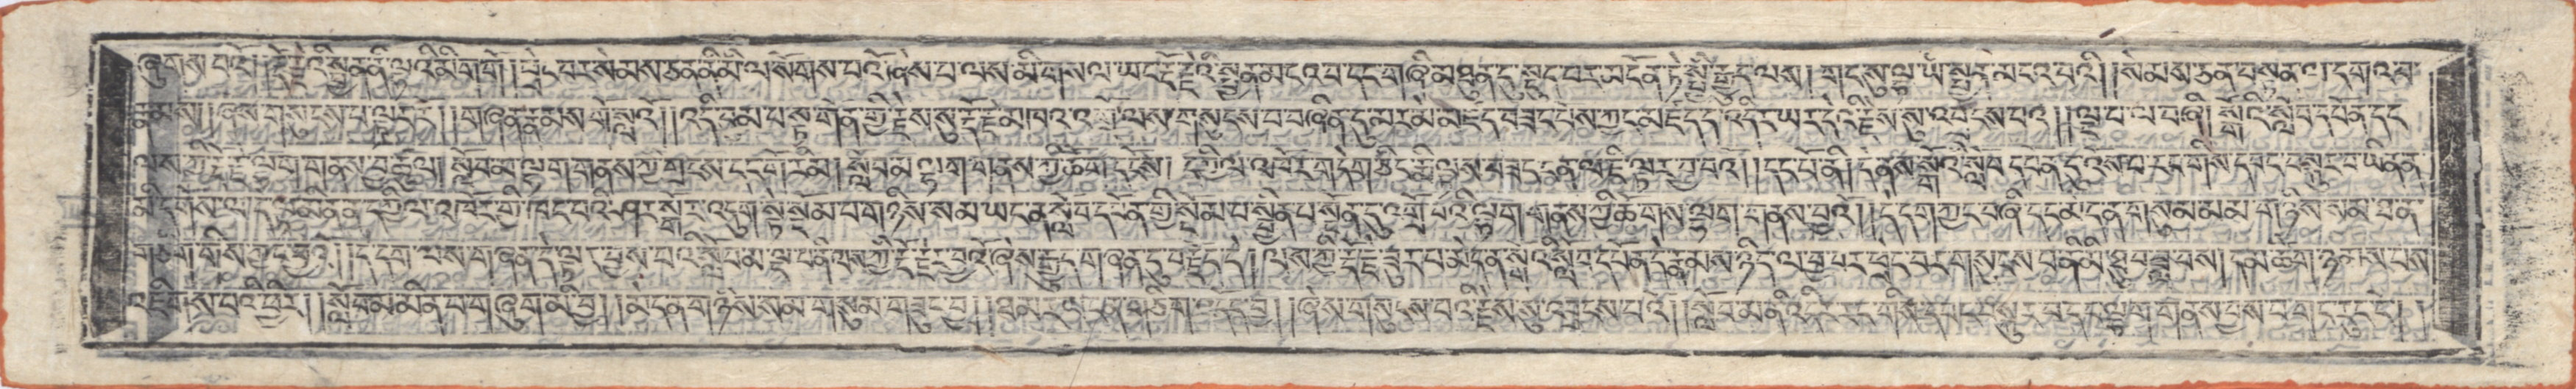ཞུགས་པའོ། །རྡོ་རྗེའི་སྤྱན་ནི་ལྷའི་མིག་གོ །ཕྲེང་བར་སེམས་ཅན་ནི་མི་ལ་སོགས་པའོ་ཞེས་པ་ལས་མི་གསལ་ཡང་རྡོ་རྗེའི་སྤྱན་མངའ་བ་དང་གཞི་མཐུན་དུ་སྡུད་པར་མངོན་ཏེ་སྤྱི་རྒྱུད་ལས། གང་སུ་ལྷ་ཡི་སྤྱན་མངའ་བའི། །སེམས་ཅན་བསྟན་ལ་དགའ་བ་
རྣམས། །ཞེས་གསུངས་པ་ལྟར་རོ། །གཞན་རྣམས་གོ་སླའོ། །འདི་བུམ་པ་སྟ་གོན་གྱི་རྗེས་སུ་རྡོ་རྗེ་མཁའ་འགྲོ་ལས་གསུངས་པ་བཞིན་དུ་མར་མེ་མཛད་བཟང་པོས་ཀྱང་མཛད་དོ་འདིར་ཡར་དེའི་རྗེས་སུ་འབྲངས་པའོ། །ལྔ་པ་ལ་བཞི། །སྒོའི་སློབ་དཔོན་དང་
ལས་ཀྱི་རྡོ་རྗེ་ལྷག་གནས་བྱ་ཚུལ། སློབ་མ་ལྷག་གནས་ཀྱི་གྲངས་དང་གོ་རིམ། སློབ་མ་ལྷག་གནས་ཀྱི་ཆོག་དངོས། དཀྱིལ་འཁོར་གདེག་ཅིང་རྨི་ལྟས་བཟང་ངན་ལ་ཇི་ལྟར་བྱ་བའོ། །དང་པོ་ནི། དེ་ནས་སྒོའི་སློབ་དཔོན་དུ་འོས་པ་རང་གིས་དབང་བསྐུར་བ་ཡིན་ན་
མི་དགོས་ལ་དེ་ལྟ་མིན་ན་དཀྱིལ་འཁོར་གྱི་ཁང་པའི་ཤར་སྒོར་འདུག་སྟེ་སྡོམ་པ་གཉིས་སམ་ཡང་ན་སློབ་དཔོན་གྱི་སྡོམ་པ་སྤྱིན་པ་སྔོན་དུ་འགྲོ་བའི་ལྷག་གནས་ཀྱི་ཆོ་གས་ལྷག་གནས་བྱའོ། །དེ་དག་ཀྱང་བཞི་དང་མེད་ན་གསུམ་མམ་གཉིས་སམ་ཐ་ན་
གཅིག་གིས་ཀྱང་བྱའོ། །དེ་དག་ལས་གཞན་དེ་ལྟར་བྱས་པའི་སློབ་མ་ལྔ་པ་ནི་ལས་ཀྱི་རྡོ་རྗེར་བྱའོ་ཞེས་རྒྱུད་གཞན་དུ་བརྗོད་དེ། ལས་ཀྱི་རྡོ་རྗེ་ཟུར་པ་མེད་ན་སྒོའི་སློབ་དཔོན་དེ་རྣམས་ཉིད་ལ་བྱ་བར་ཕྲེང་བར་གསུངས་པ་ནི་མི་ཐུབ་ཟླ་པས། དམ་ཚིག་ཉམས་པས་
འཇིགས་པའི་ཕྱིར། །སློབ་མ་མིན་པ་གཞུག་མི་བྱ། །མེད་ན་གཉིས་སམ་གསུམ་གཟུང་བྱ། །ཐ་མར་ཡང་ན་གཅིག་འདོད་བྱ། །ཞེས་གསུངས་པའི་རྗེས་སུ་འབྲངས་པའོ། །སློབ་མ་ནི་འདིར་རང་གིས་དབང་བསྐུར་བ་དང་ལྷག་གནས་བྱས་པ་གང་རུང་ངོ། །